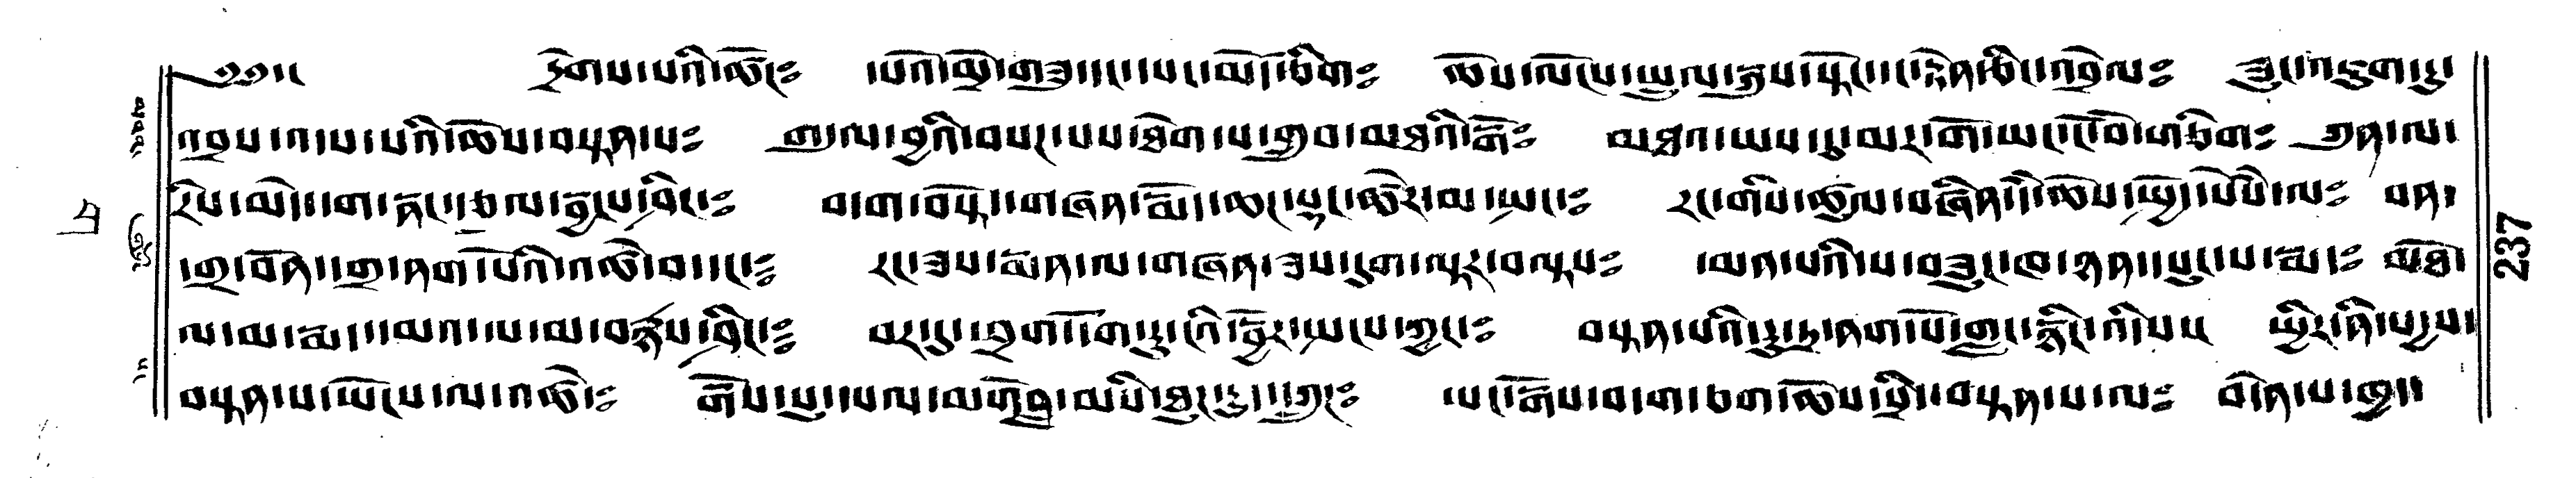དྲེགས་པའི་ཚོགསཿ དཔའ་བོ་མྲོད་གཟུ་དང་དཔང་མཛོད་ཅིགཿ ཆོས་ལོངས་སྤྲུལ་སྐུས་སྟོང་དང་རྟེན་ཅིང་འབྲེལཿ ཟུང་འཇུག་རྒྱུ་
འབྲས་འདས་པའི་ཆོས་བསྟན་པཿ གདུལ་བྱའི་བསམ་པས་ཐེག་པ་གྲུབ་མཐའི་སྒོཿ མཐའ་ཡས་དུ་མར་གོ་ཡང་ངོ་བོ་གཅིགཿ ཀུན་ལ་
རིས་མེད་དག་སྣང་རྩལ་སྦྱངས་ཤིངཿ བདག་བསྟོ་གཞན་སྨོད་ཆགས་སྡང་ཚེར་མ་སྤངསཿ རང་གིས་ཚུལ་བཞིན་དམ་ཆོས་སྤྱོད་སེམས་ལཿ བན་
དགྲ་བོན་དགྲ་ནག་པོའི་འཚེ་བ་དང༔ རང་ཟས་སྨན་ལ་གཞན་ཟས་དུག་ལྟར་བལྟསཿ དམན་པའི་ས་བཟུང་ཁ་ཉན་དཔུང་པ་སྨདཿ མཐོ་
ལ་མ་སྨད་དམའ་ལ་མ་བརྙས་ཤིངཿ བར་དུ་ཕྲག་དོག་རུ་ངའི་སྦྱོར་སྤངས་ཀྱངཿ བསྟན་པའི་རུ་ཏྲ་ནག་པོ་གླང་སྙིང་འདིསཿ སྤྱིར་ནི་སངས་རྒྱས་
བསྟན་པ་ཡོངས་ལ་འཚེཿ སྒོས་སུ་དཔལ་མགོན་བླ་མས་ཐུགས་རྒྱུད་དཀྲུགསཿ ཡང་སྒོས་བདག་ཅག་ཆོས་སྲིད་བསྟན་པ་ལཿ བདེན་པ་ཁྱད་